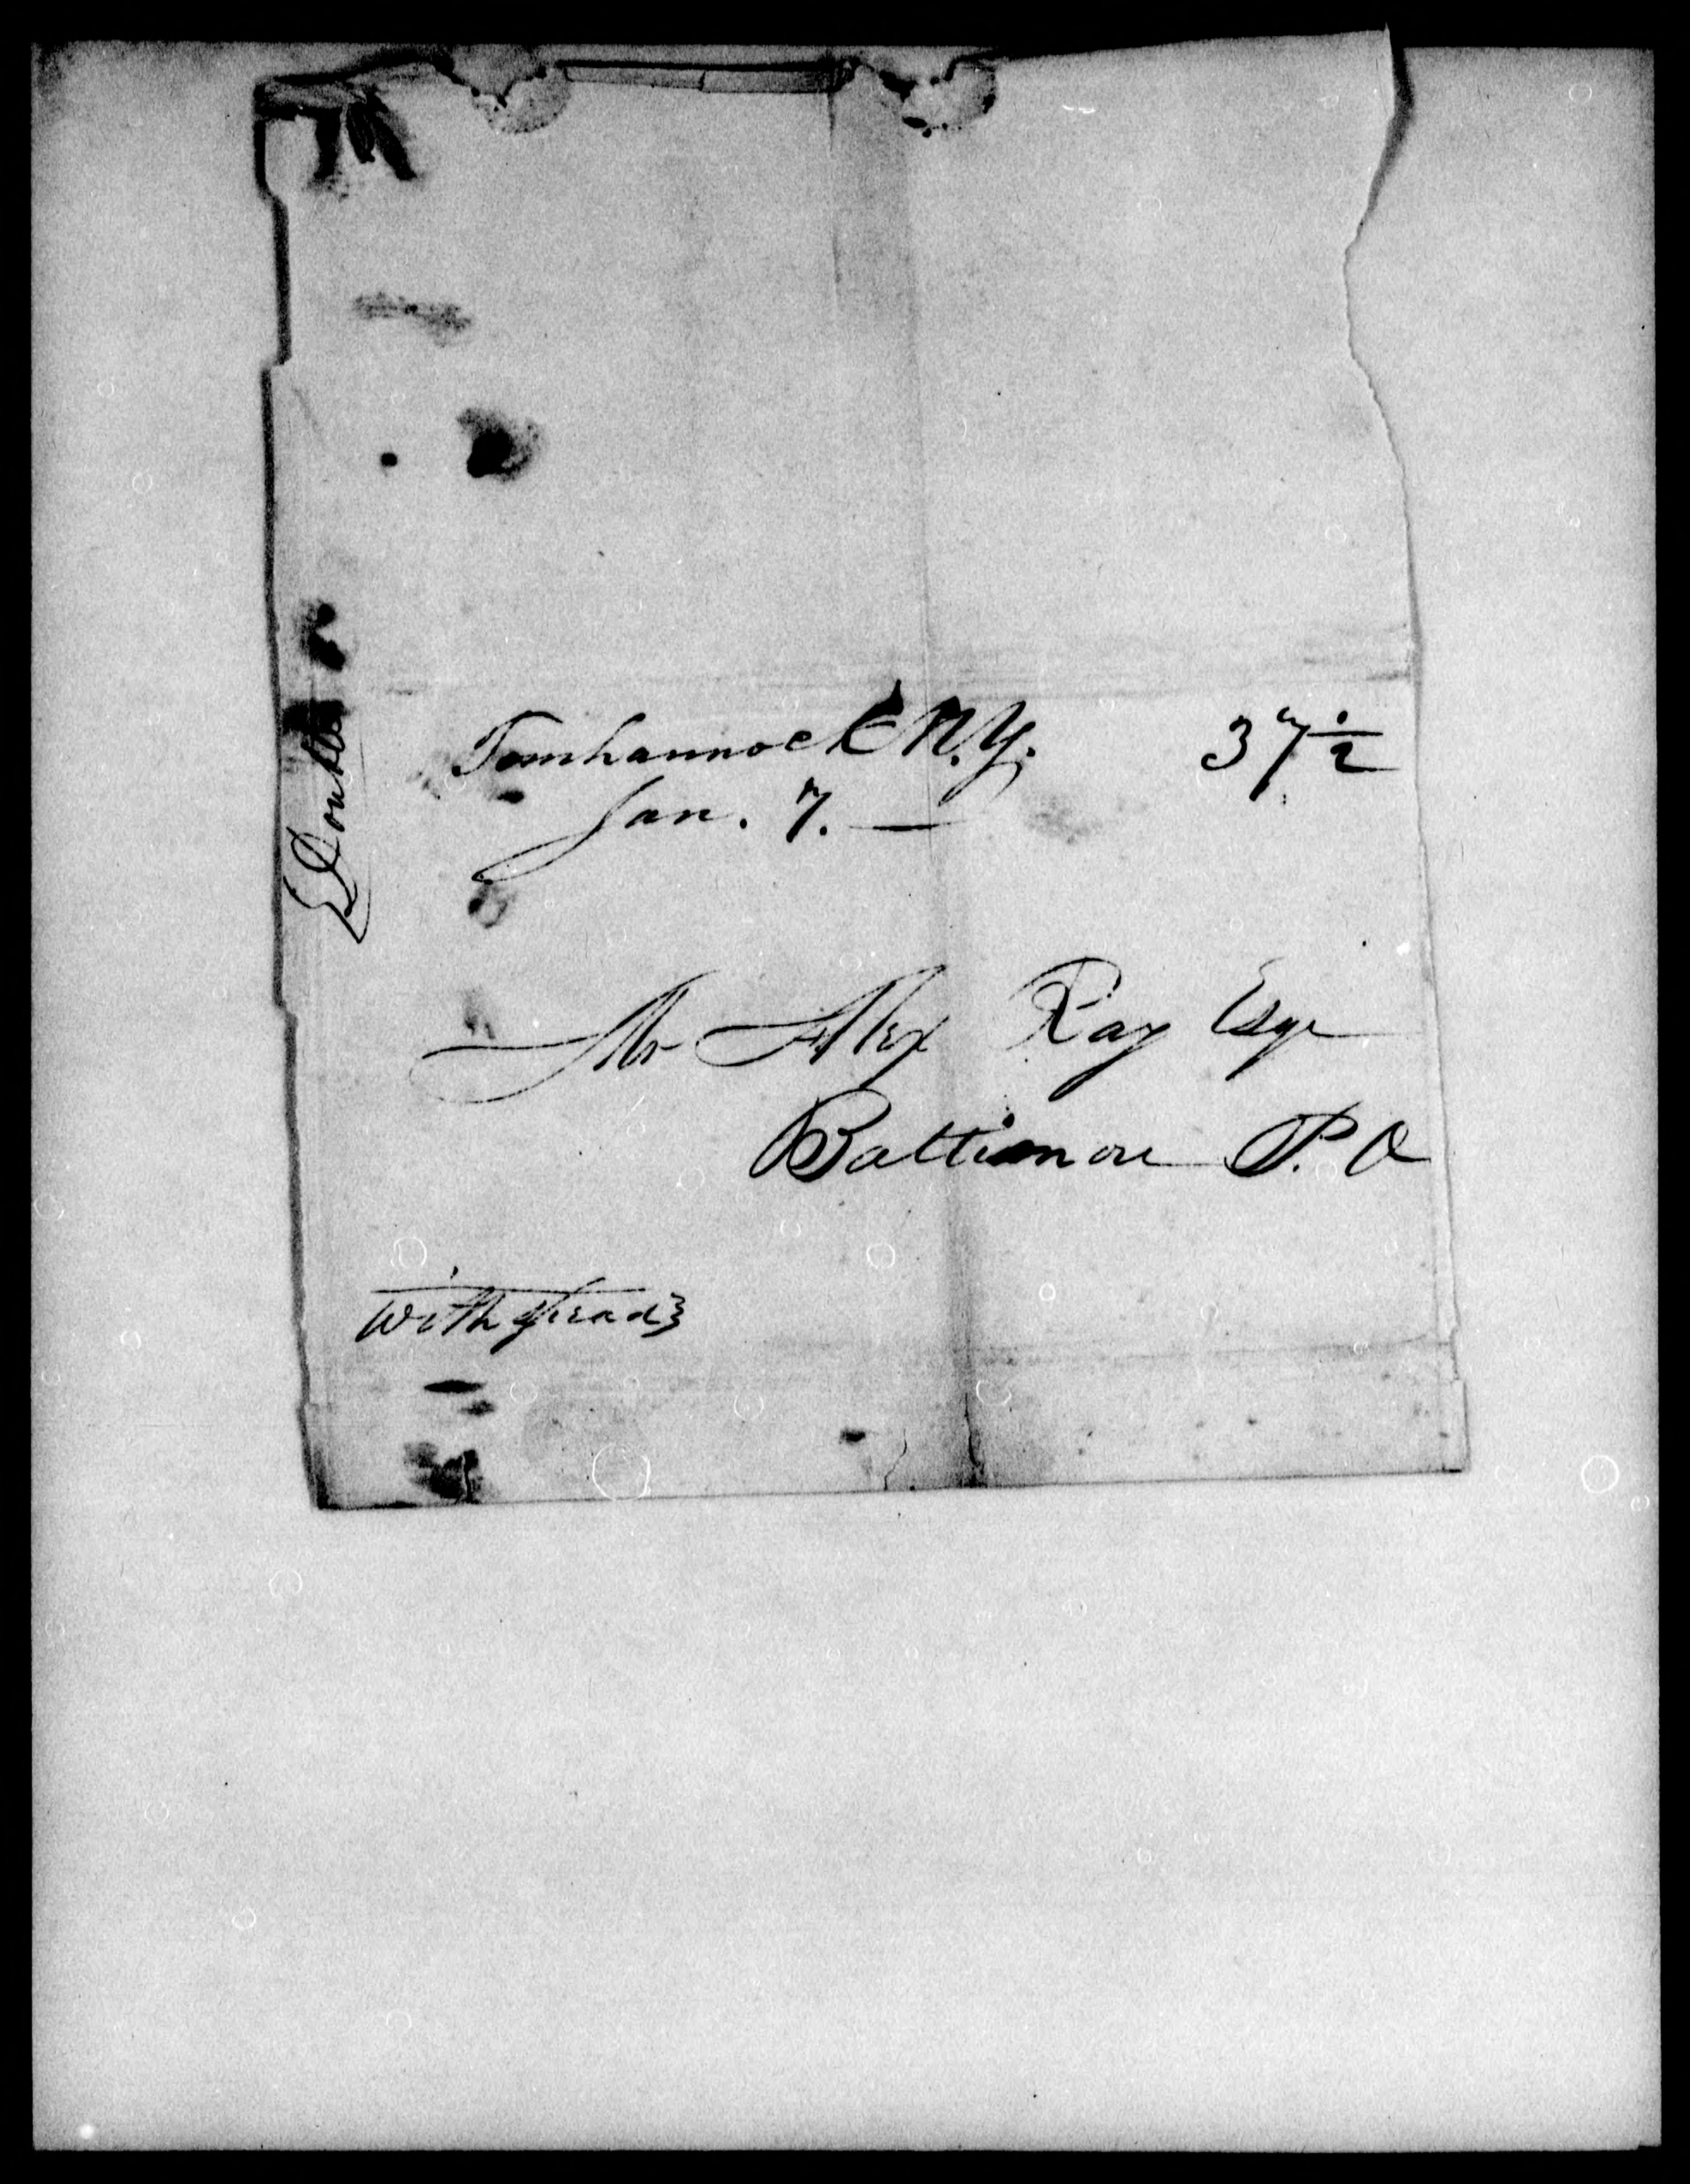Tomhannock N.Y.    37 1/2
Jan. 7, -

Mr. Alex Ray Esqr
Baltimore P.O

with [illegible]

[on left margin]
Double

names: Alex Ray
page: 22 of 102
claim: widow's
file: W. 18239, Isaac Van Wart, New York